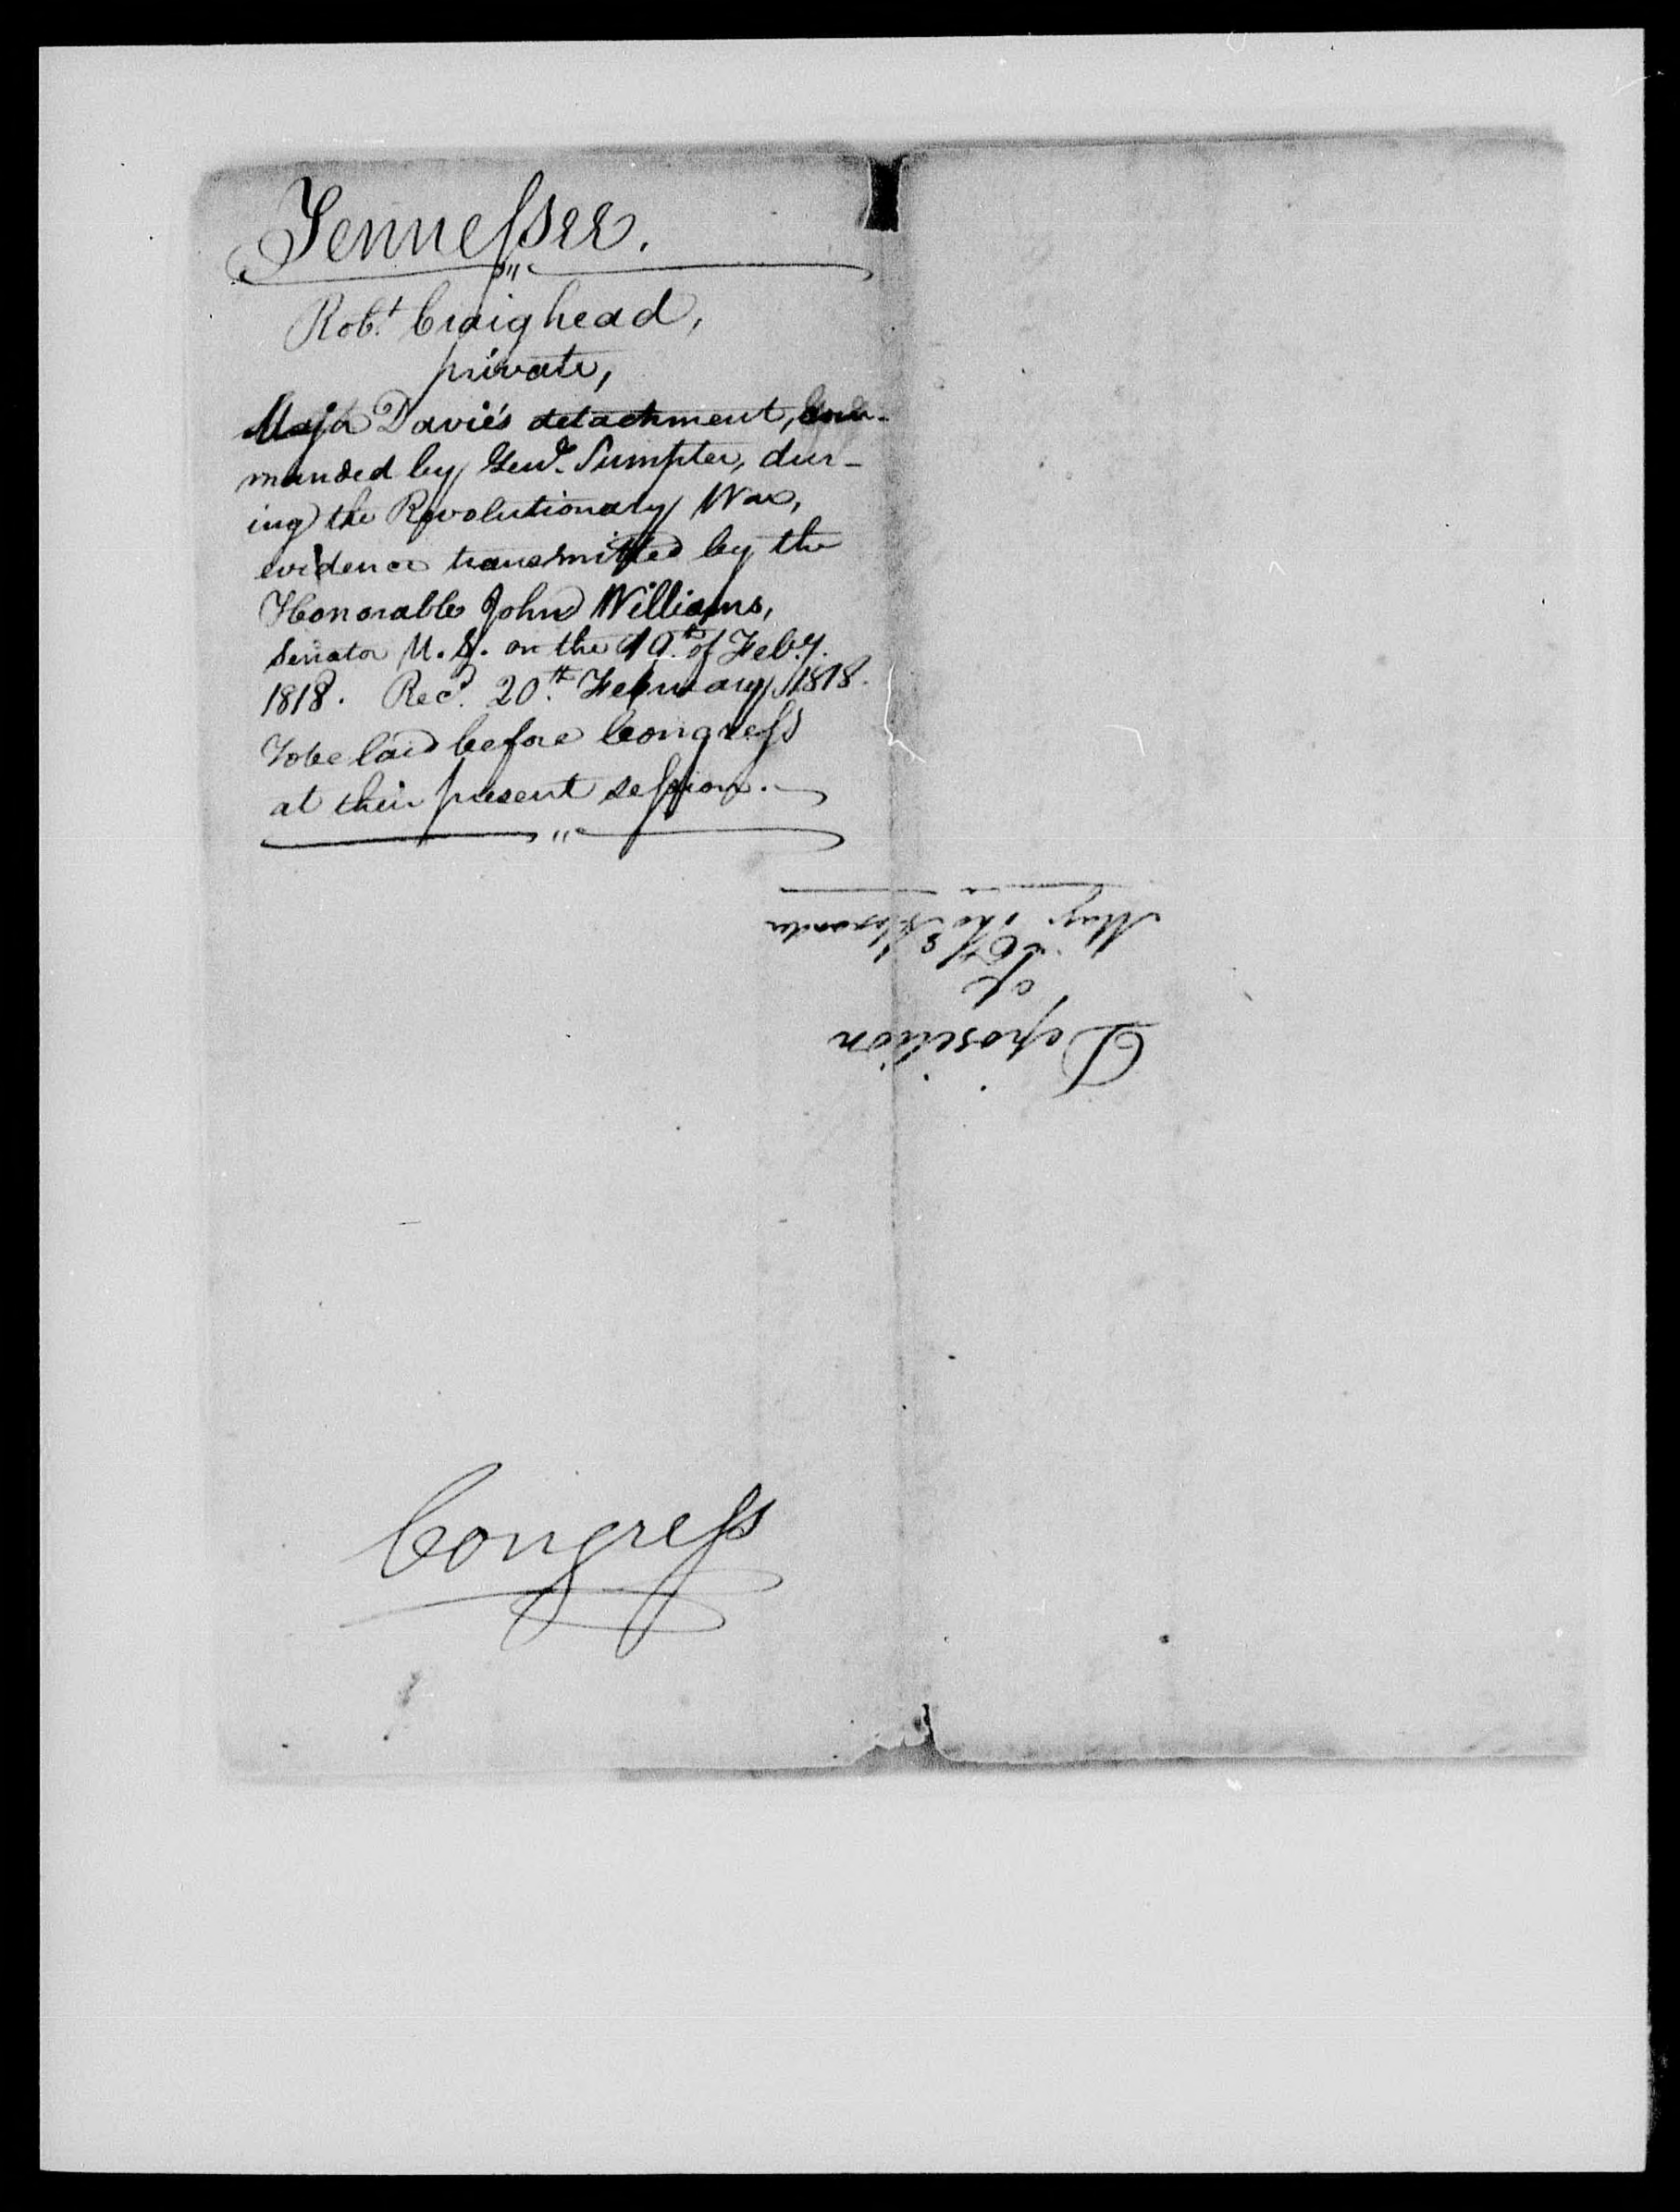Tennessee
Robert Craighead,
private,
Major Davies detachment,
commanded by General Sumpter, during
the Revolutionary War,
evidence transmitted by the
Honorable John Williams
Senator U.S. on the 10th of February
1818. Received 20th February 1818.
to be laid before Congress
at their present session
"
Deposition of 
Mary Alexander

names: Sumpter, Thos Alexander, Robt Craighead, John Williams, Davies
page: 3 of 26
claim: survivor's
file: S. 352, Robert Craighead, N.C.